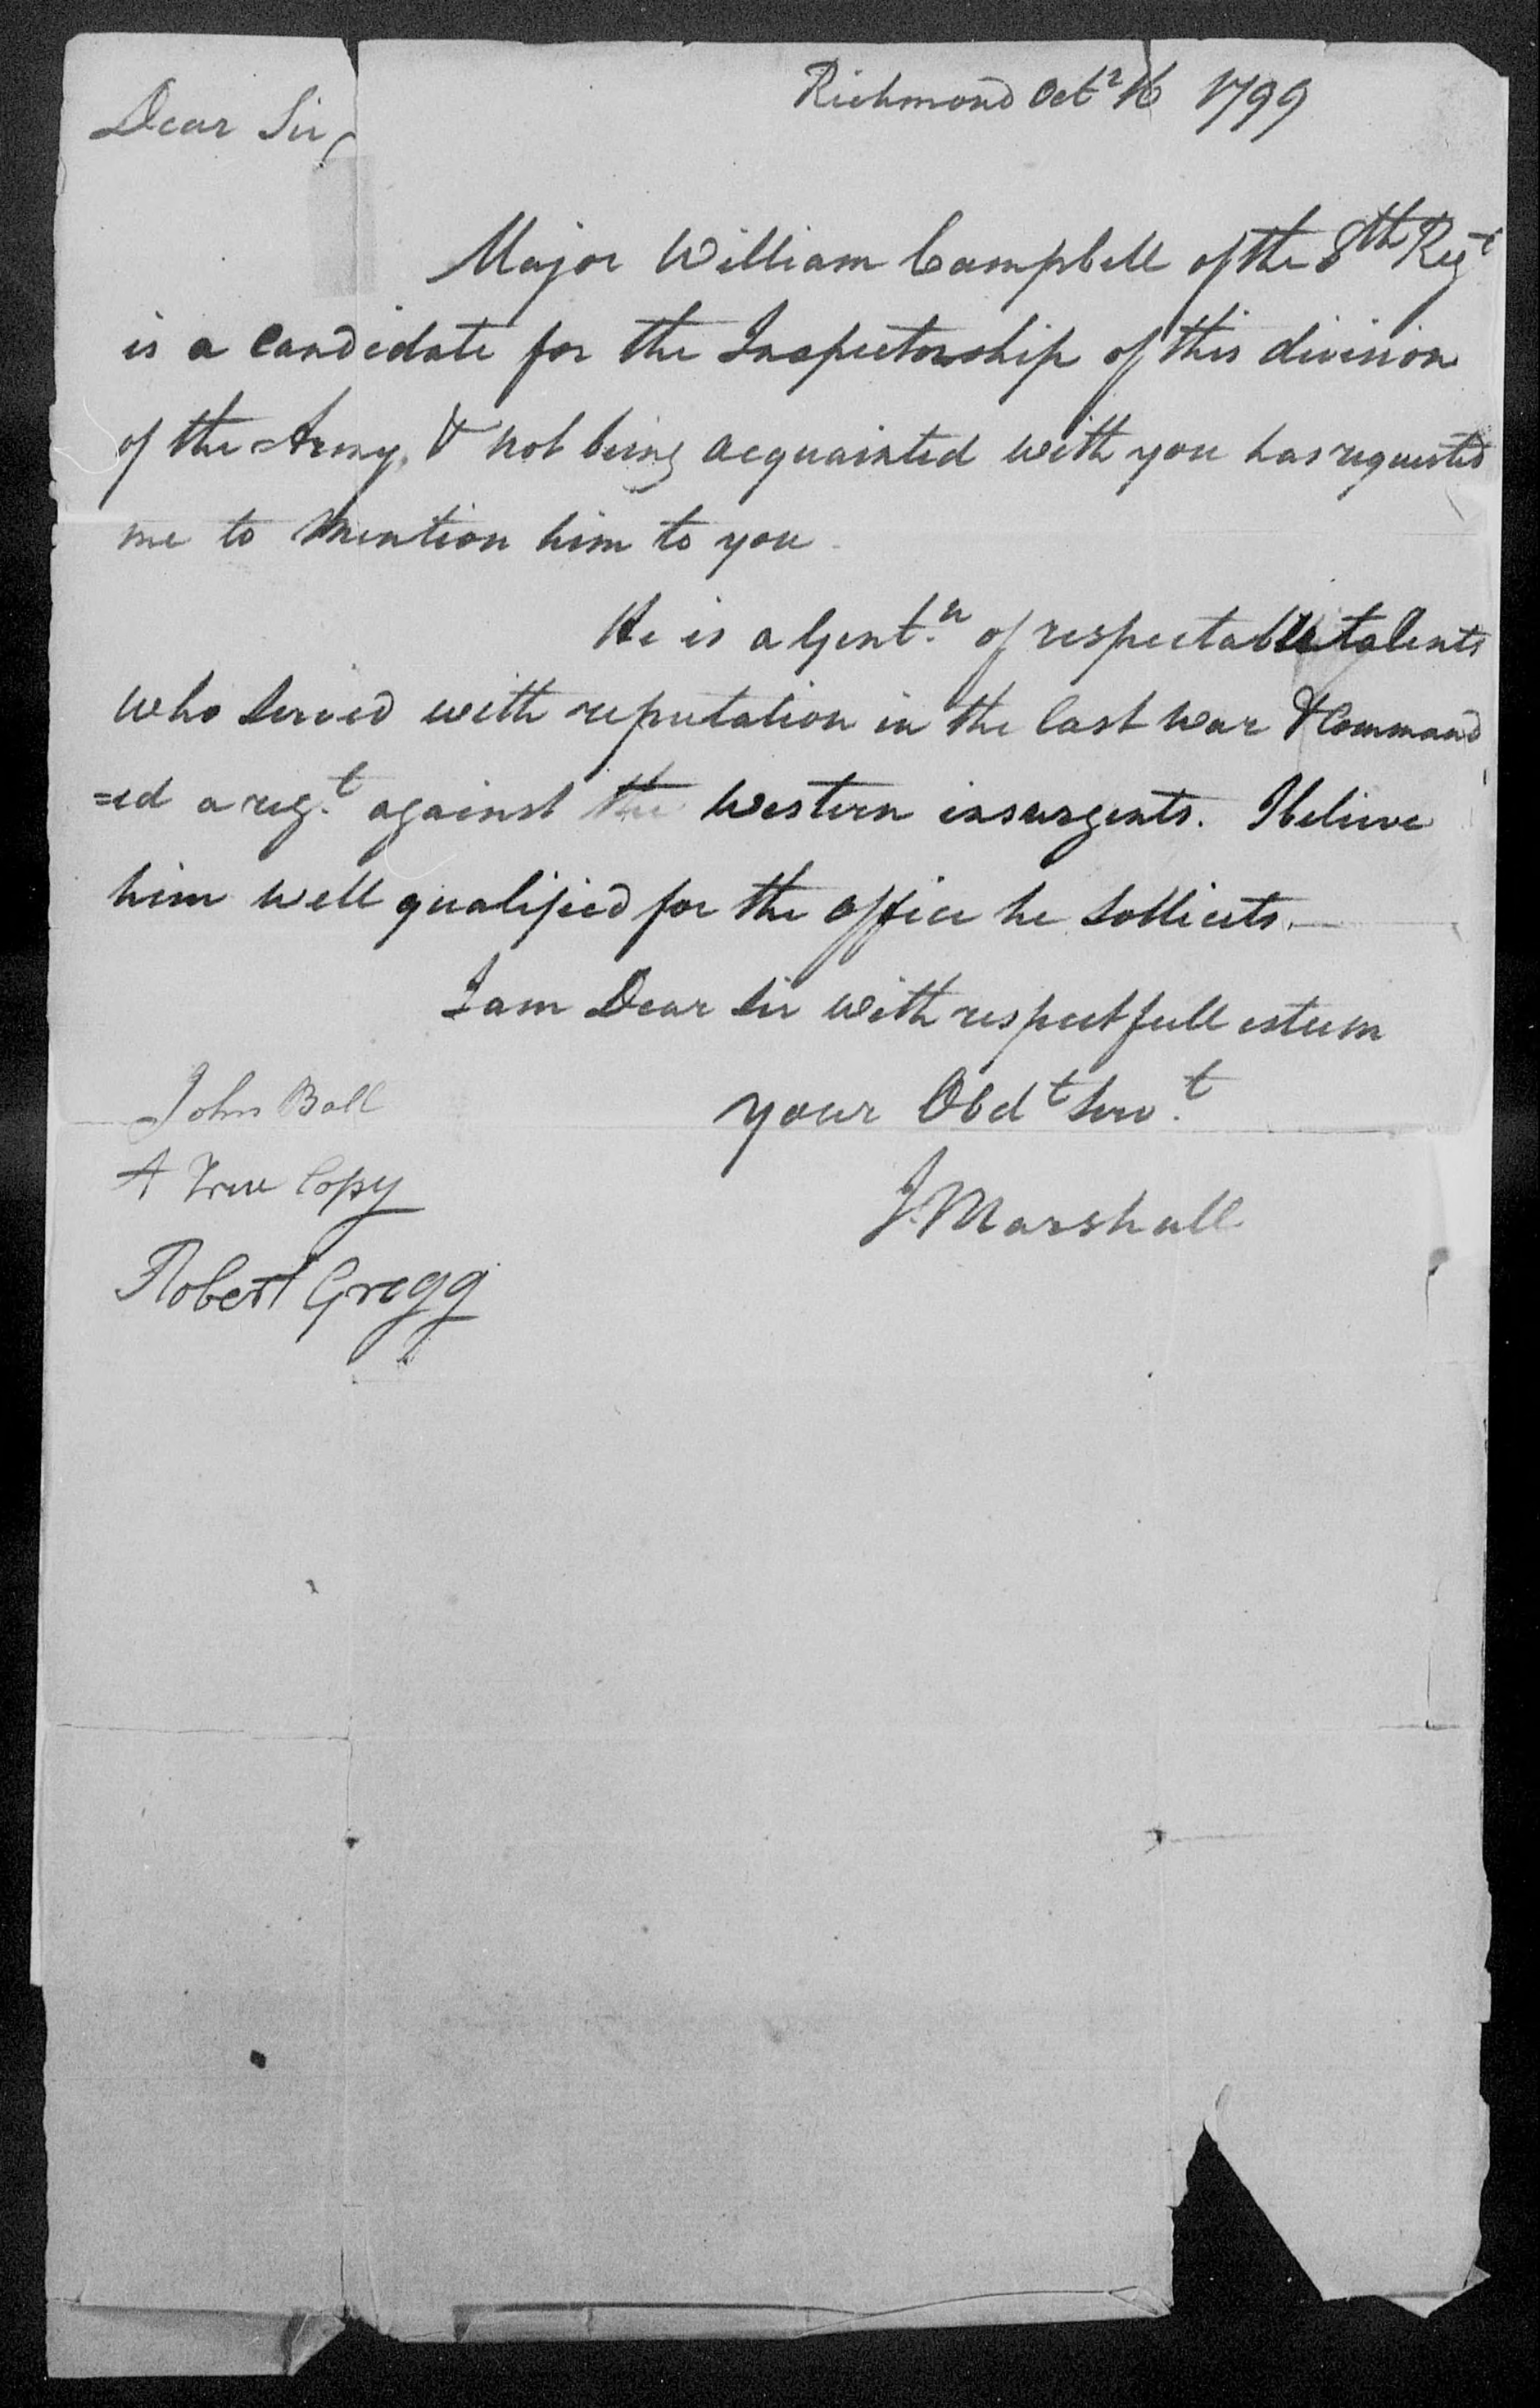Richmond Octr 16 1799

Dear Sir,

Najor William Campbell of the 8th Regt is a candidate for the Inspectorship of this division of the Army. +[and] not being acquainted with you has requested me to mention him to you.
He is a Gentn. of respectable talents who served with reputation in the last war +[and] commanded a regt. against the Western insurgents. I believe him well qualified for the office he Sollicits ___
I am Dear Sir with respectfull esteem
Your Obdt Servt. 
J. Marshall

John Ball
A True Copy
Robert Gregg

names: J Marshall, William Campbell, Robert Grogg, John Ball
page: 97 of 267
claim: widow's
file: W. 4,149, William Campbell, Va.